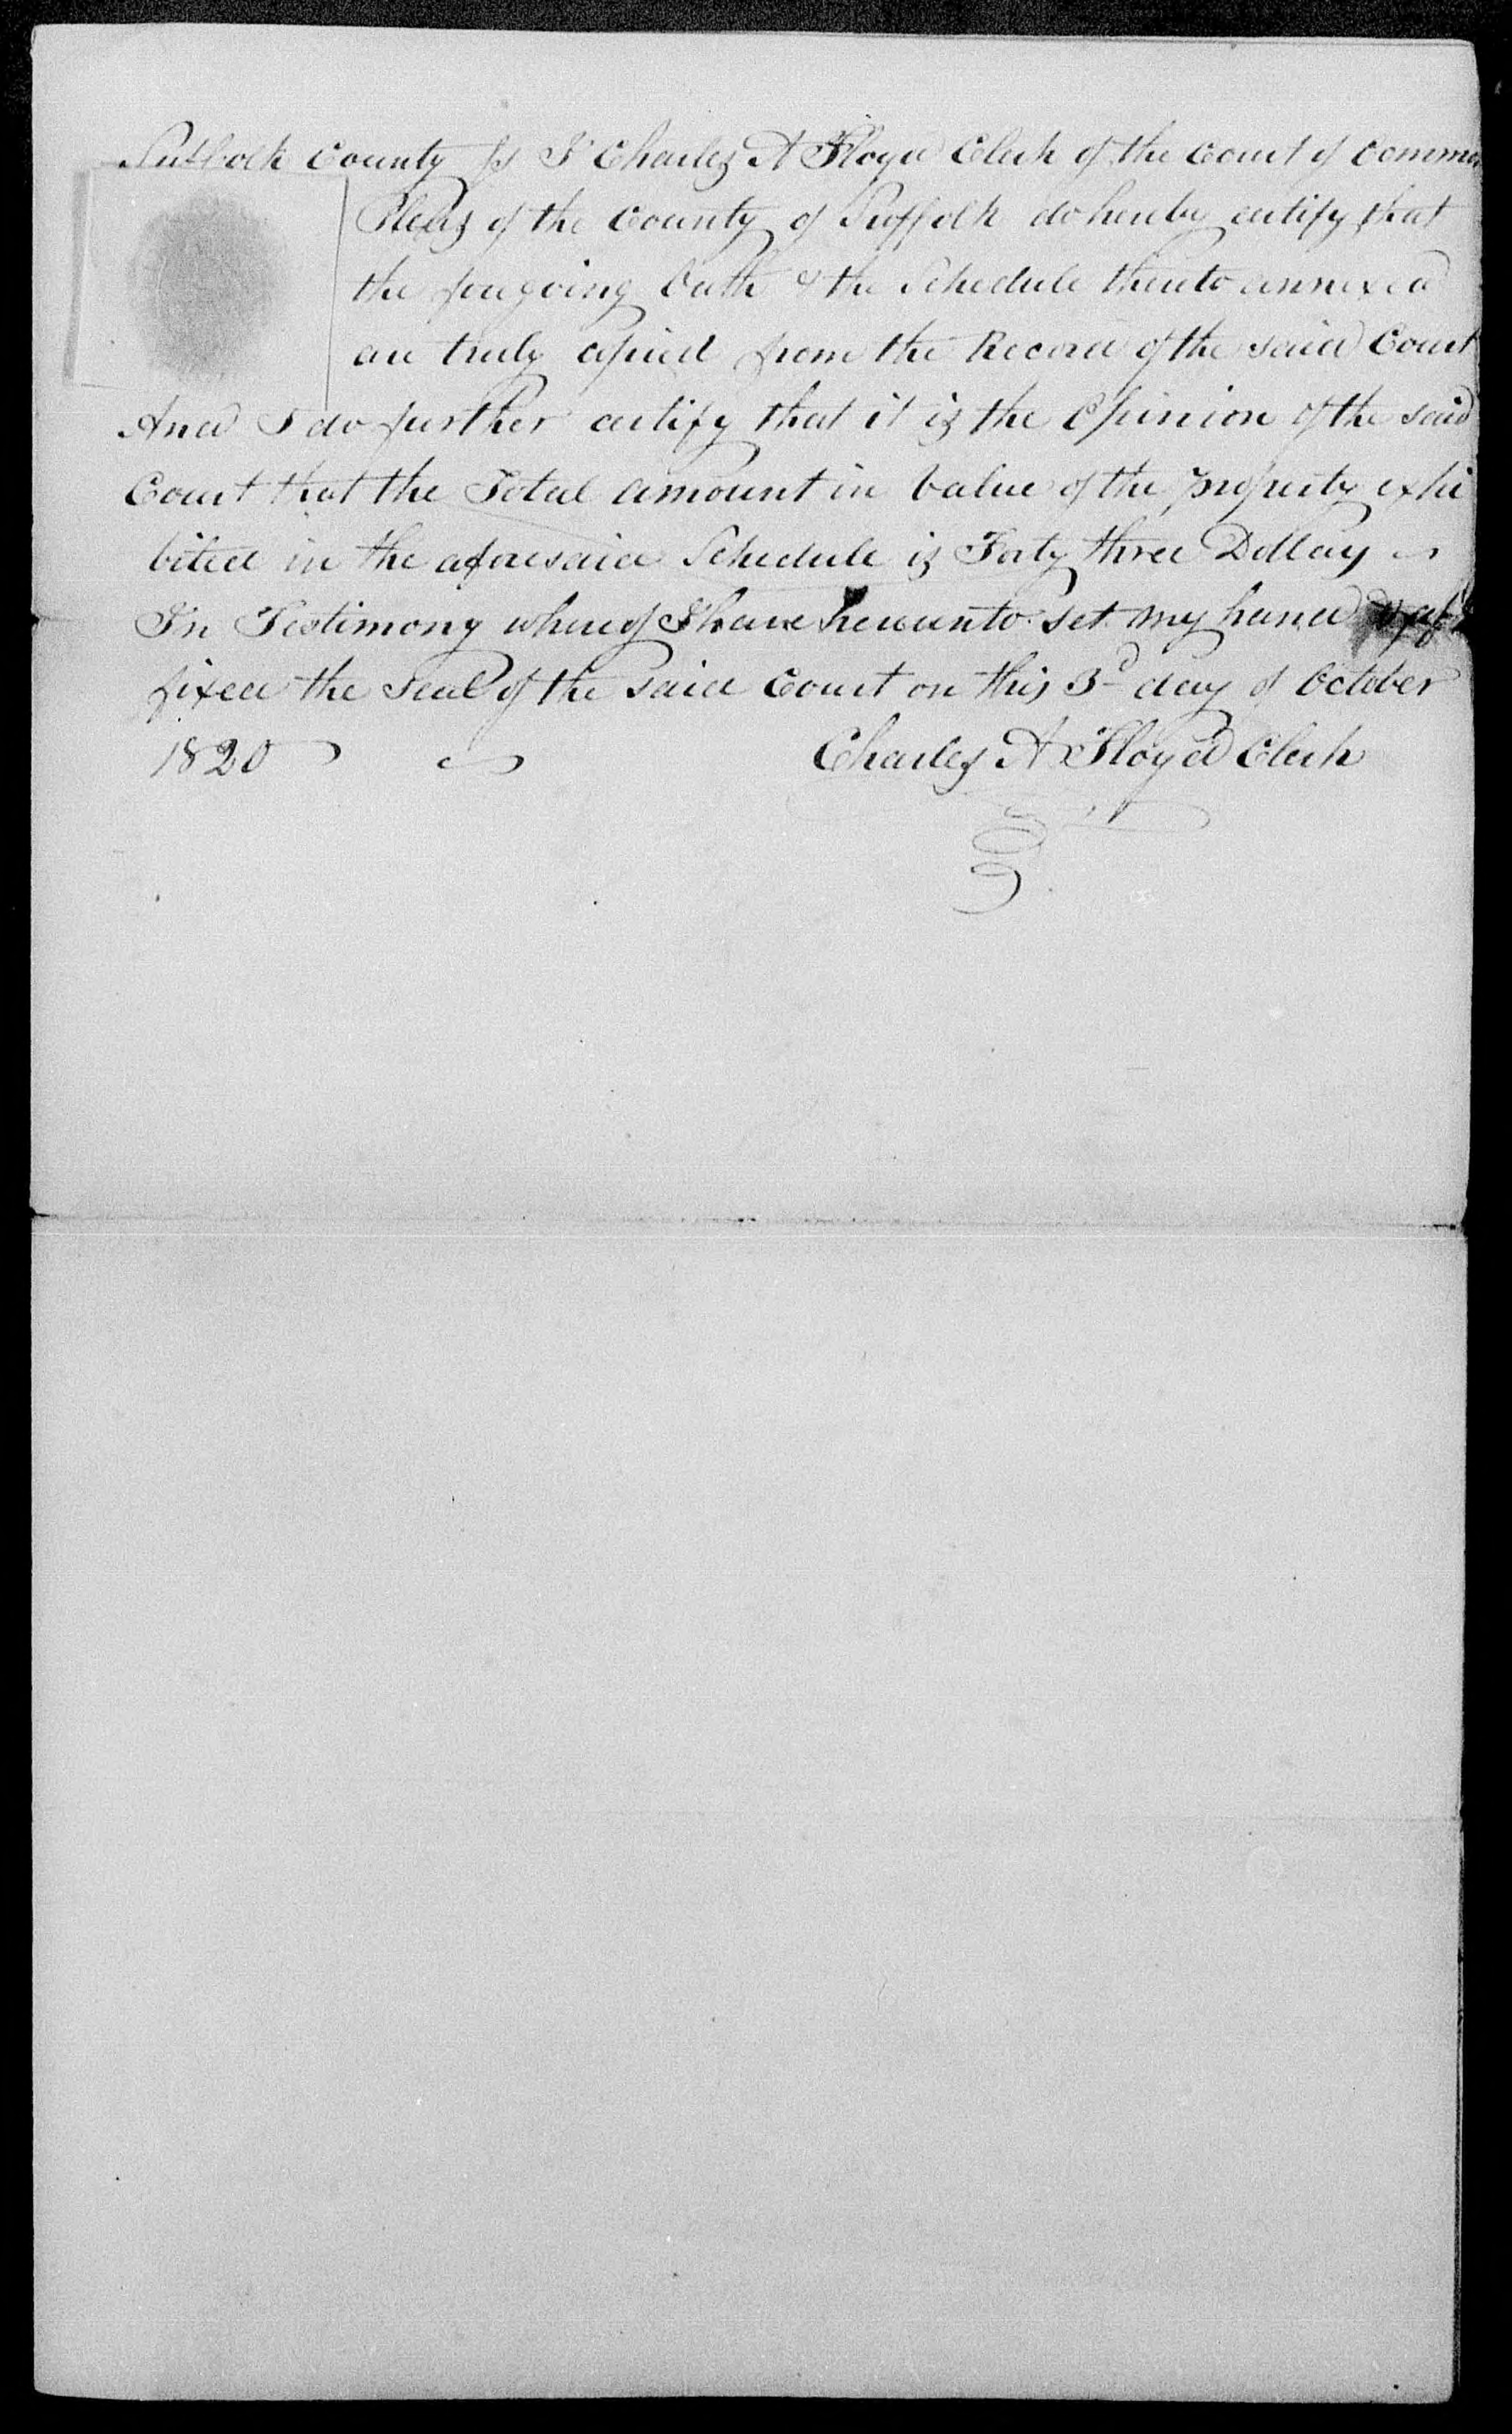Suffolk County Ss I Charles A Floyd Clerk of the court of common Pleas of the County of Suffolk do hereby certify that the foregoing Oath & the Schedule thereto annexed are truly copied from the Record of the said Court
And I do further certify that it is the Opinion of the said Court that the Total amount in value of the property exhibited in the aforesaid Schedule is Forty three Dollars ~
In Testimony whereof I have hereunto set my hand & affixed the seal of the said Court on this 3d day of October 1820 ~ Charles A Floyd Clerk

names: Charles A Floyd, Charles A Floyd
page: 10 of 28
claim: survivor's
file: S. 12569, Joseph Cone, Conn Continental